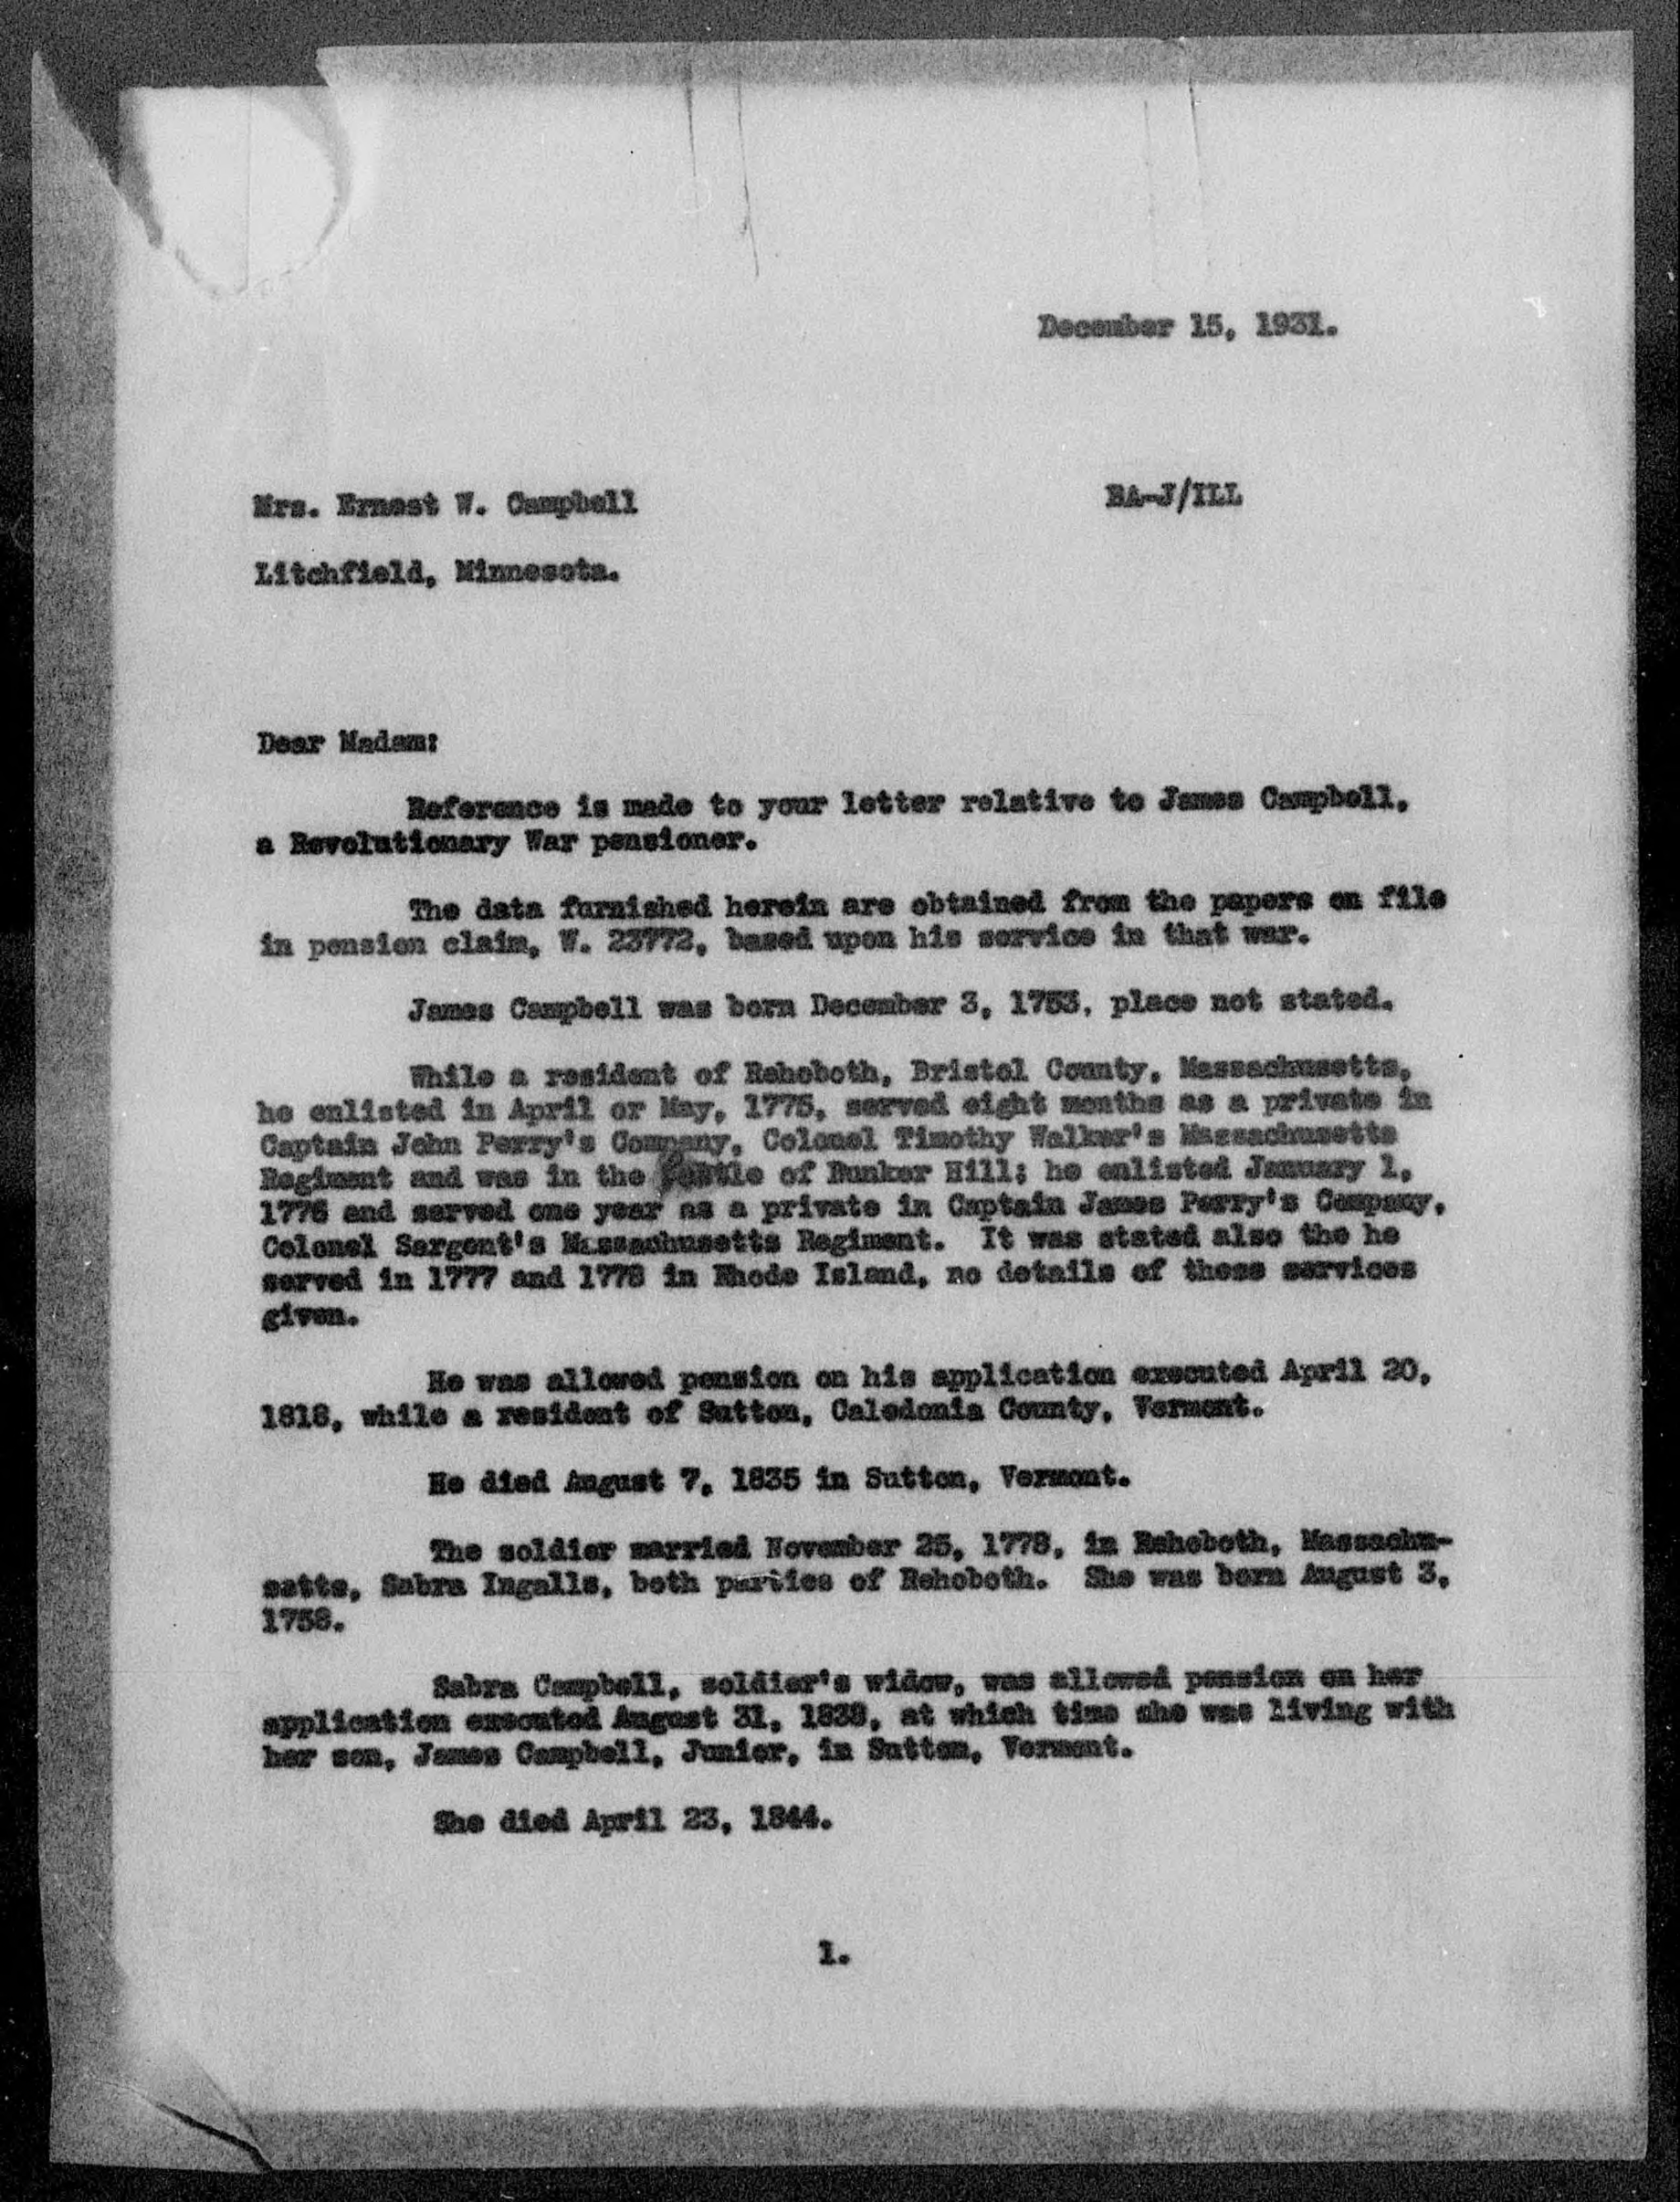December 15, 1931.
BA-J/ILL

Mrs. Ernest W. Campbell
Litchfield, Minnesota.

Dear Madam:

Reference is made to your letter relative to James Campbell, a Revolutionary War pensioner.

The data furnished herein are obtained from the papers on file in pension claim, W. 23772, based upon his service in that war.


James Campbell was born December 3, 1753, place not stated.

While a resident of Rehoboth, Bristol County, Massachusetts, he enlisted in April or May, 1775, served eight months as a private in
Captain John Perry's Company, Colonel Timothy Walker's Massachusetts Regiment and was in the Battle of Bunker Hill; he enlisted January 1, 1776 and served one year as a private in Captain James Perry's Company,
Colonel Sargent's Massachusetts Regiment. It was stated also the he served in 1777 and 1778 in Rhode Island, no details of these services
given.

He was allowed pension on his application executed April 20, 1818, while a resident of Sutton, Caledonia County, Vermont.

He died August 7, 1835 in Sutton, Vermont.

The soldier married November 25, 1778, in Rehoboth, Massachusetts, Sabra Ingalls, both parties of Rehoboth. She was born August 3,
1758.

Sabra Campbell, soldier's widow, was allowed pension on her application executed August 31, 1838, at which time she was living with
her son, James Campbell, Junior, in Sutton, Vermont.

She died April 23, 1844.

1.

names: James Campbell, Sabra Ingalls, Ernest W Campbell, James Campbell, Sabra Campbell, James Campbell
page: 16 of 67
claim: widow's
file: W. 23772, James Campbell, Continental Mass.